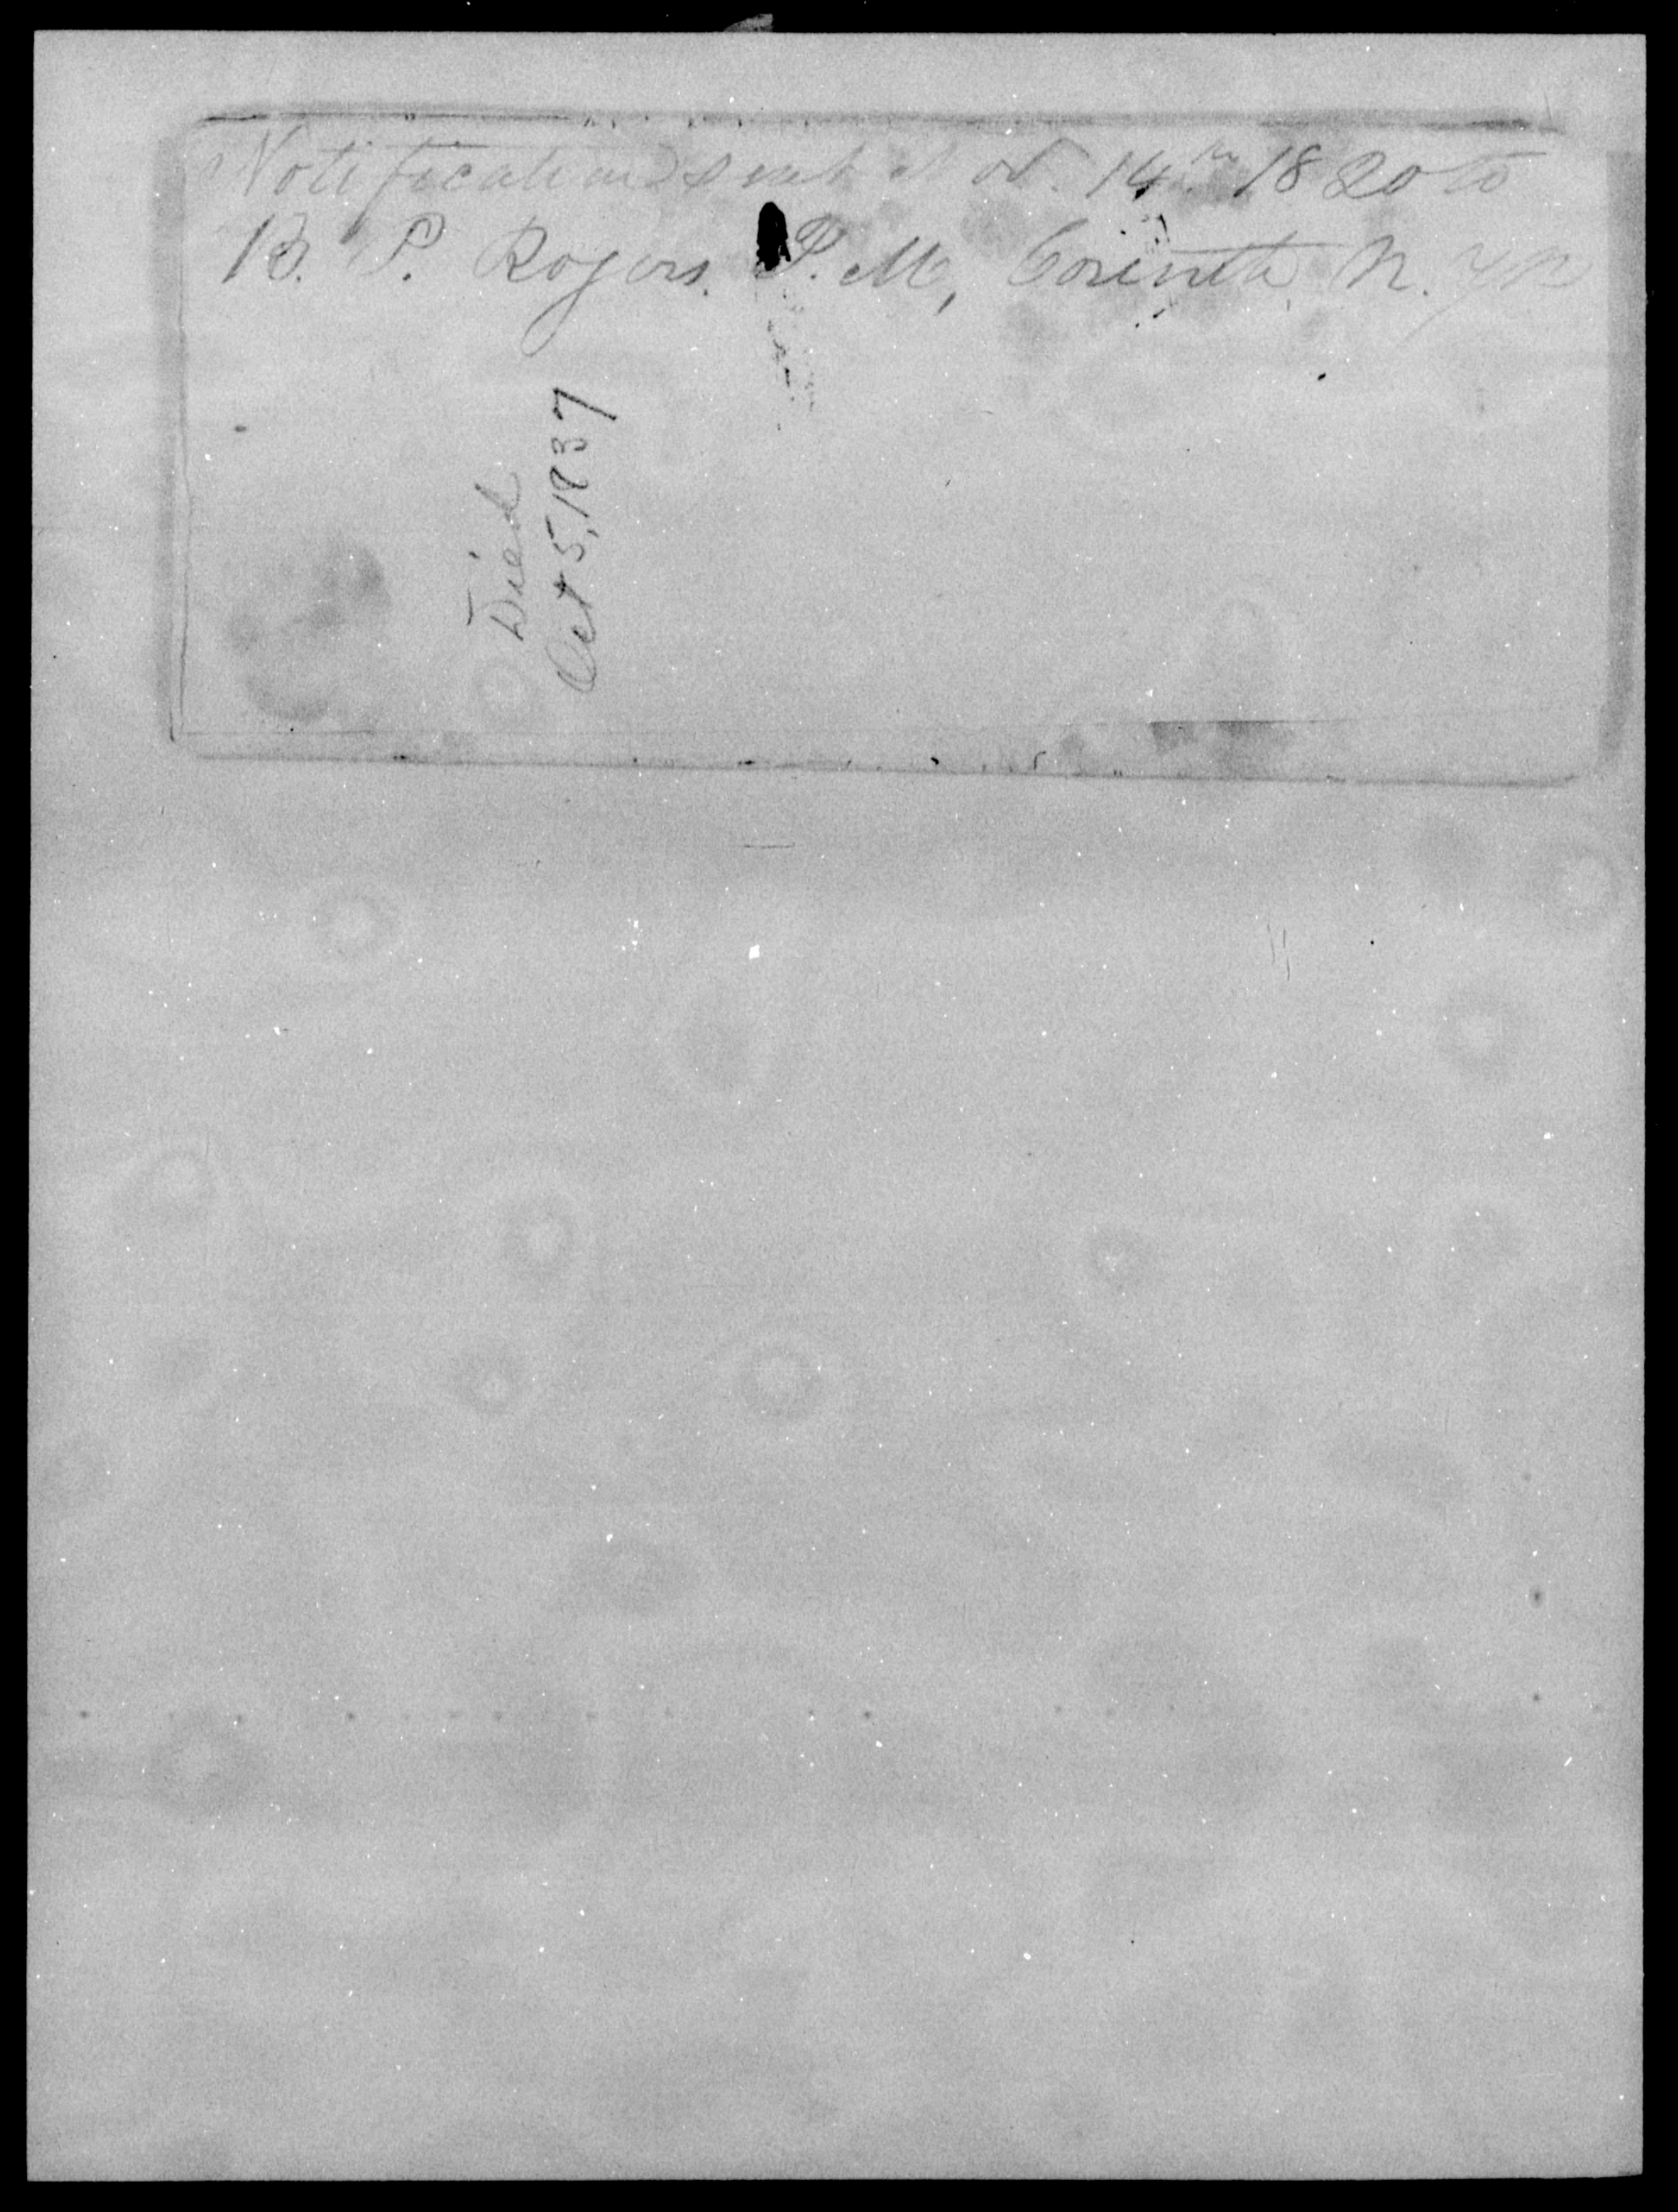Notification sent Nov. 14th 1820 to
B. P. Rogers P. M, Corinth, N. Y.

(written vertically)
Died Oct 5, 1837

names: B P Rogers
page: 3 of 27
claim: survivor's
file: S. 43897, for Daniel Rankin, New York